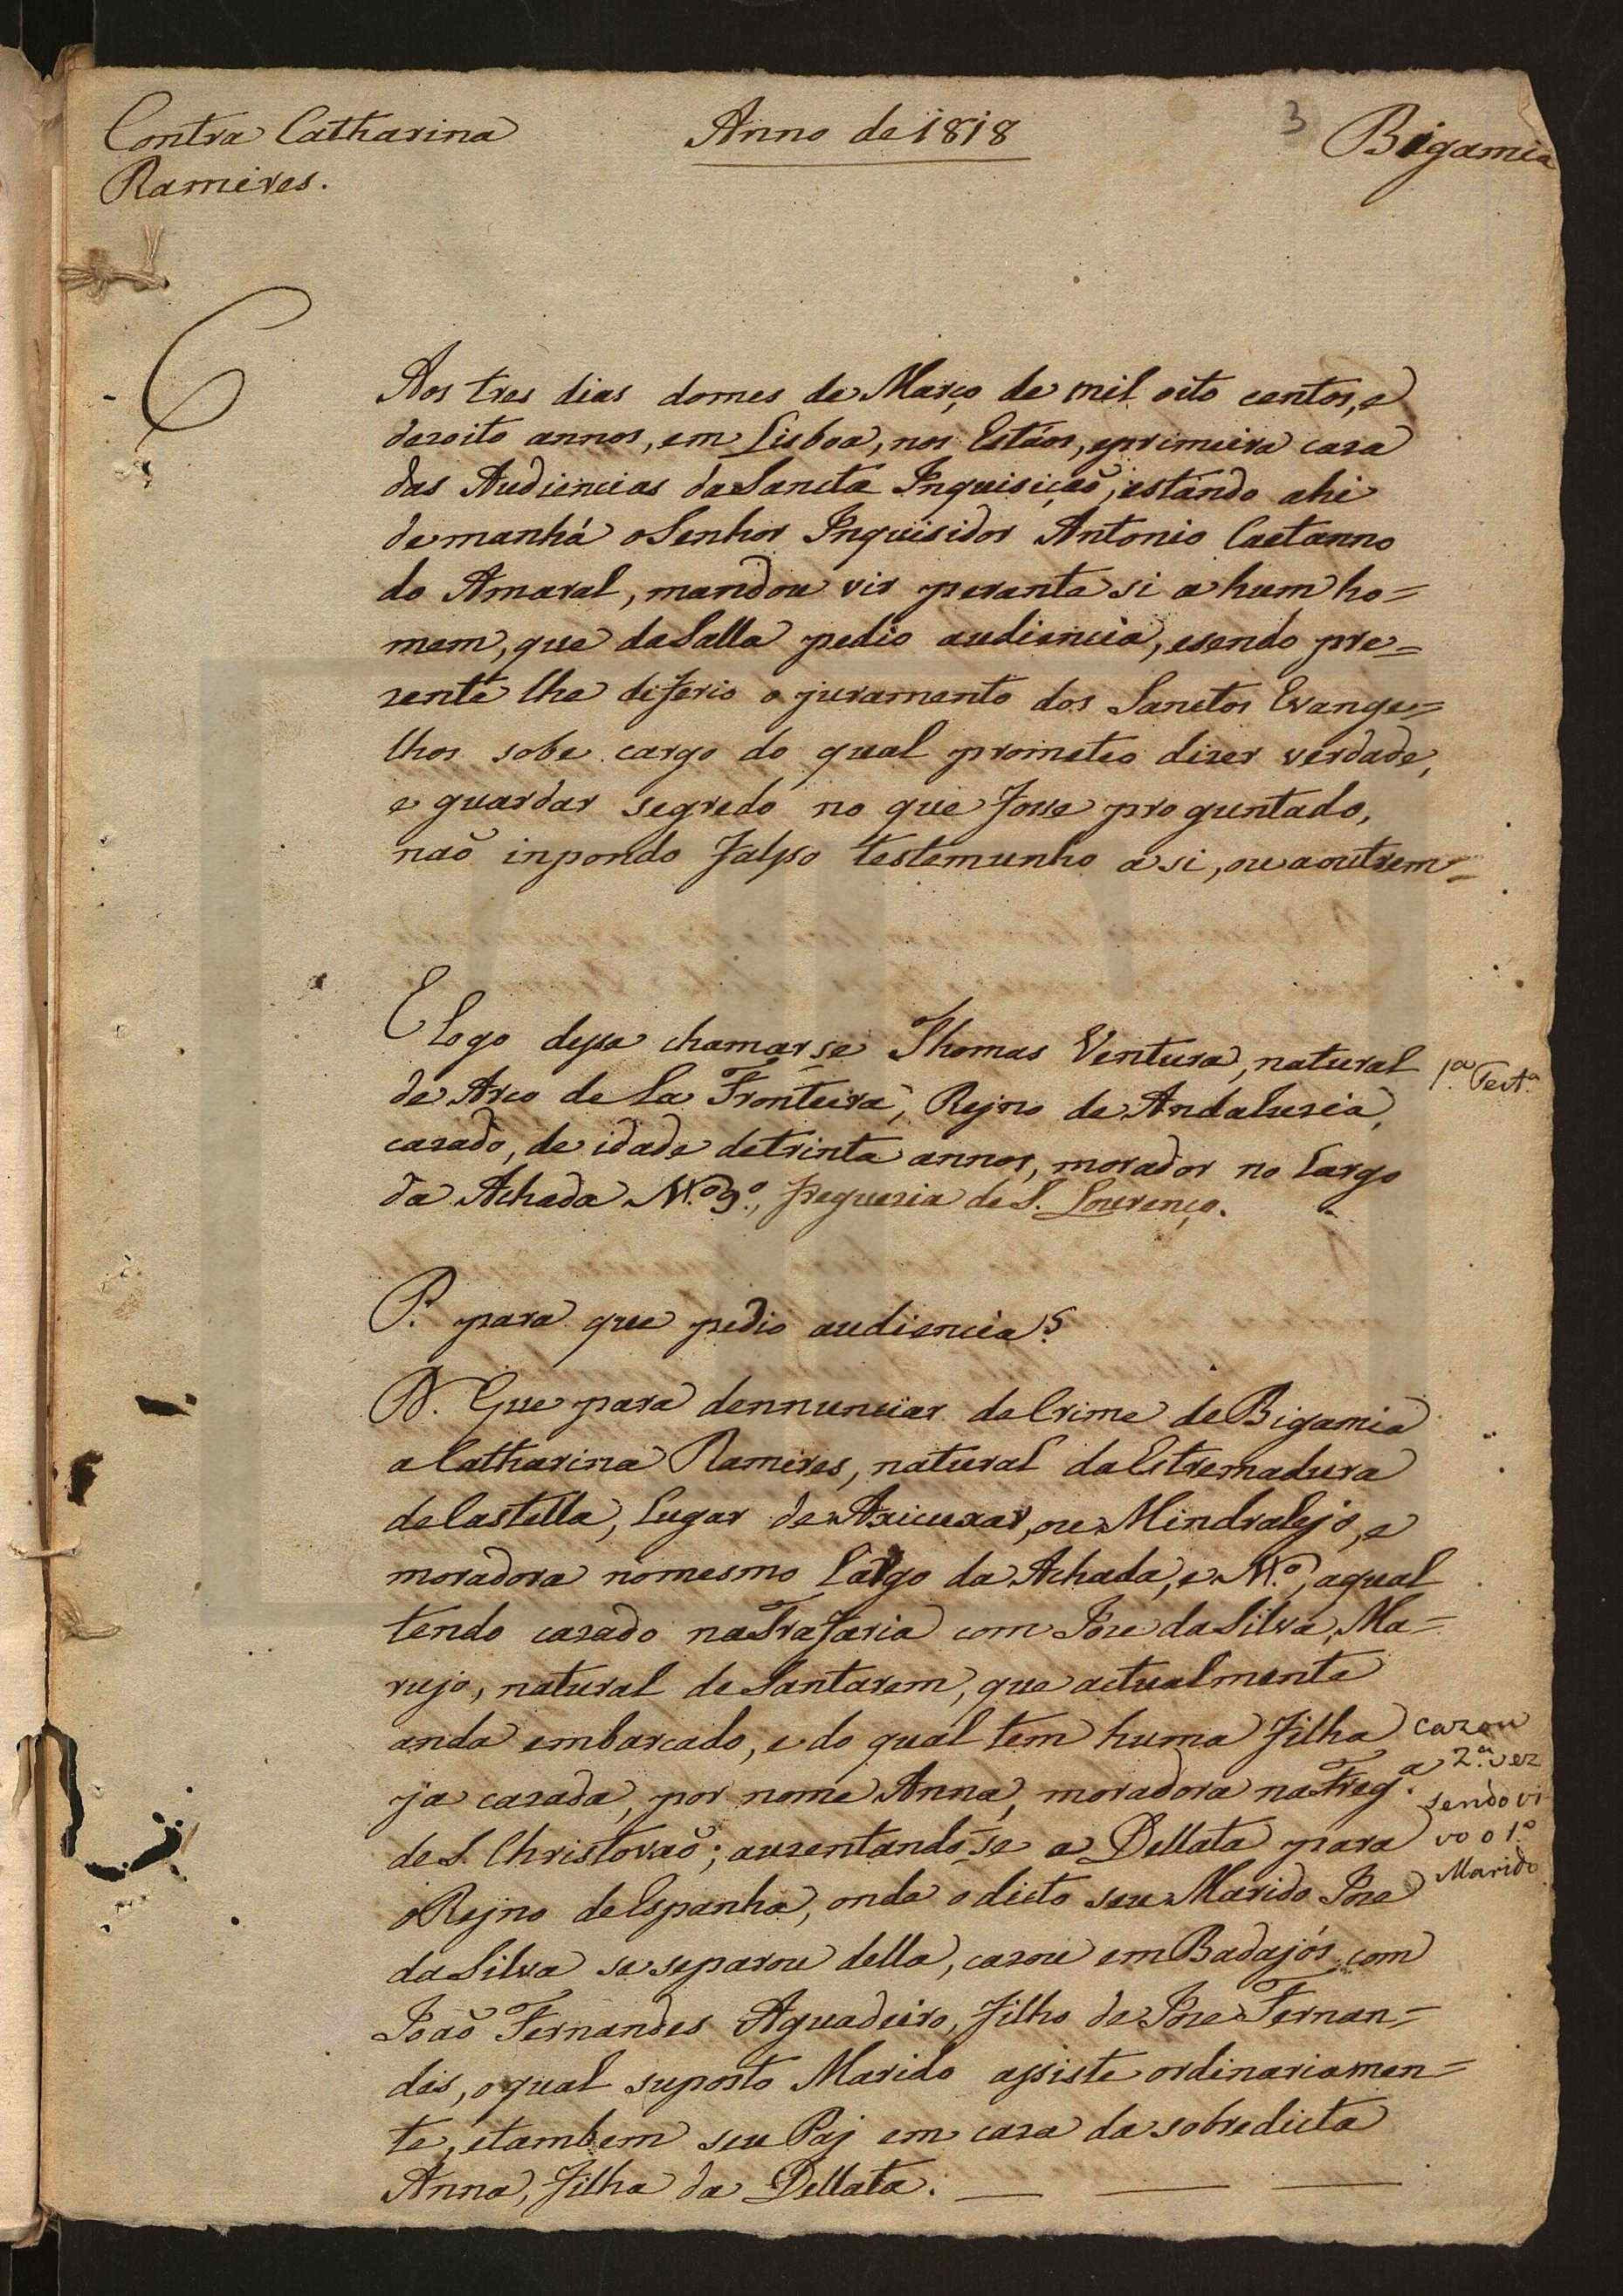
Contra Catharina
Anno de 1818.
Bigamia
Rameres.
Aos tres dias do mes de Março de mil oitocentos, e
dezoito annos, em Lisboa, nos Estáos, e primeira caza
das Audiencias da Sancta Inquisiçaõ, estando ahi
de manhã o Senhor Inquisidor Antonio Caetanno
do Amaral, mandou vir perante si a hum ho
mem, que da Salla pedio audiencia, e sendo pre
zente lhe diferio o juramento dos Sanctos Evange
lhos sobe cargo do qual prometeo dizer verdade,
e guardar segredo no que fosse proguntado,
naõ inpondo falsso testemunho a si, ou a outrem
E logo disse chamarse Thomas Ventura, natural
1.a Test.
de Arco de La Fronteira, Rejno de Andaluzia,
cazado, de idade de trinta annos, morador no Largo
da Achada N.o 9.o, freguezia de S. Lourenço.
P. para que pedio audiencia?
D. Que para dennunciar do Crime de Bigamia
a Catharina Ramires, natural da Estremadura
de Castella, Lugar de Axicuxar, ou Mindrahejo, e
moradora no mesmo Largo da Achada, e N.o, a qual
tendo cazado na Trafaria com Ioze da Silva, Ma
rujo, natural de Santarem, que actualmente
anda embarcado, e do qual tem huma filha
cazou
ja cazada, por nome Anna, moradora na Freg.a
2.a vez
sendo vi
de S. Christovaõ; auzentando-se a Dellata para
vo o 1.o
o Rejno de Espanha, onde o dicto seu Marido Ioze
Marido
da Silva se separou della, cazou em Badajós, com
Ioaõ Fernandes Aguadeiro, filho de Ioze Fernan
des, o qual suposto Marido assiste ordinariamen
te, e tambem seu Paj em caza da sobredicta
Anna, filha da Dellata.
